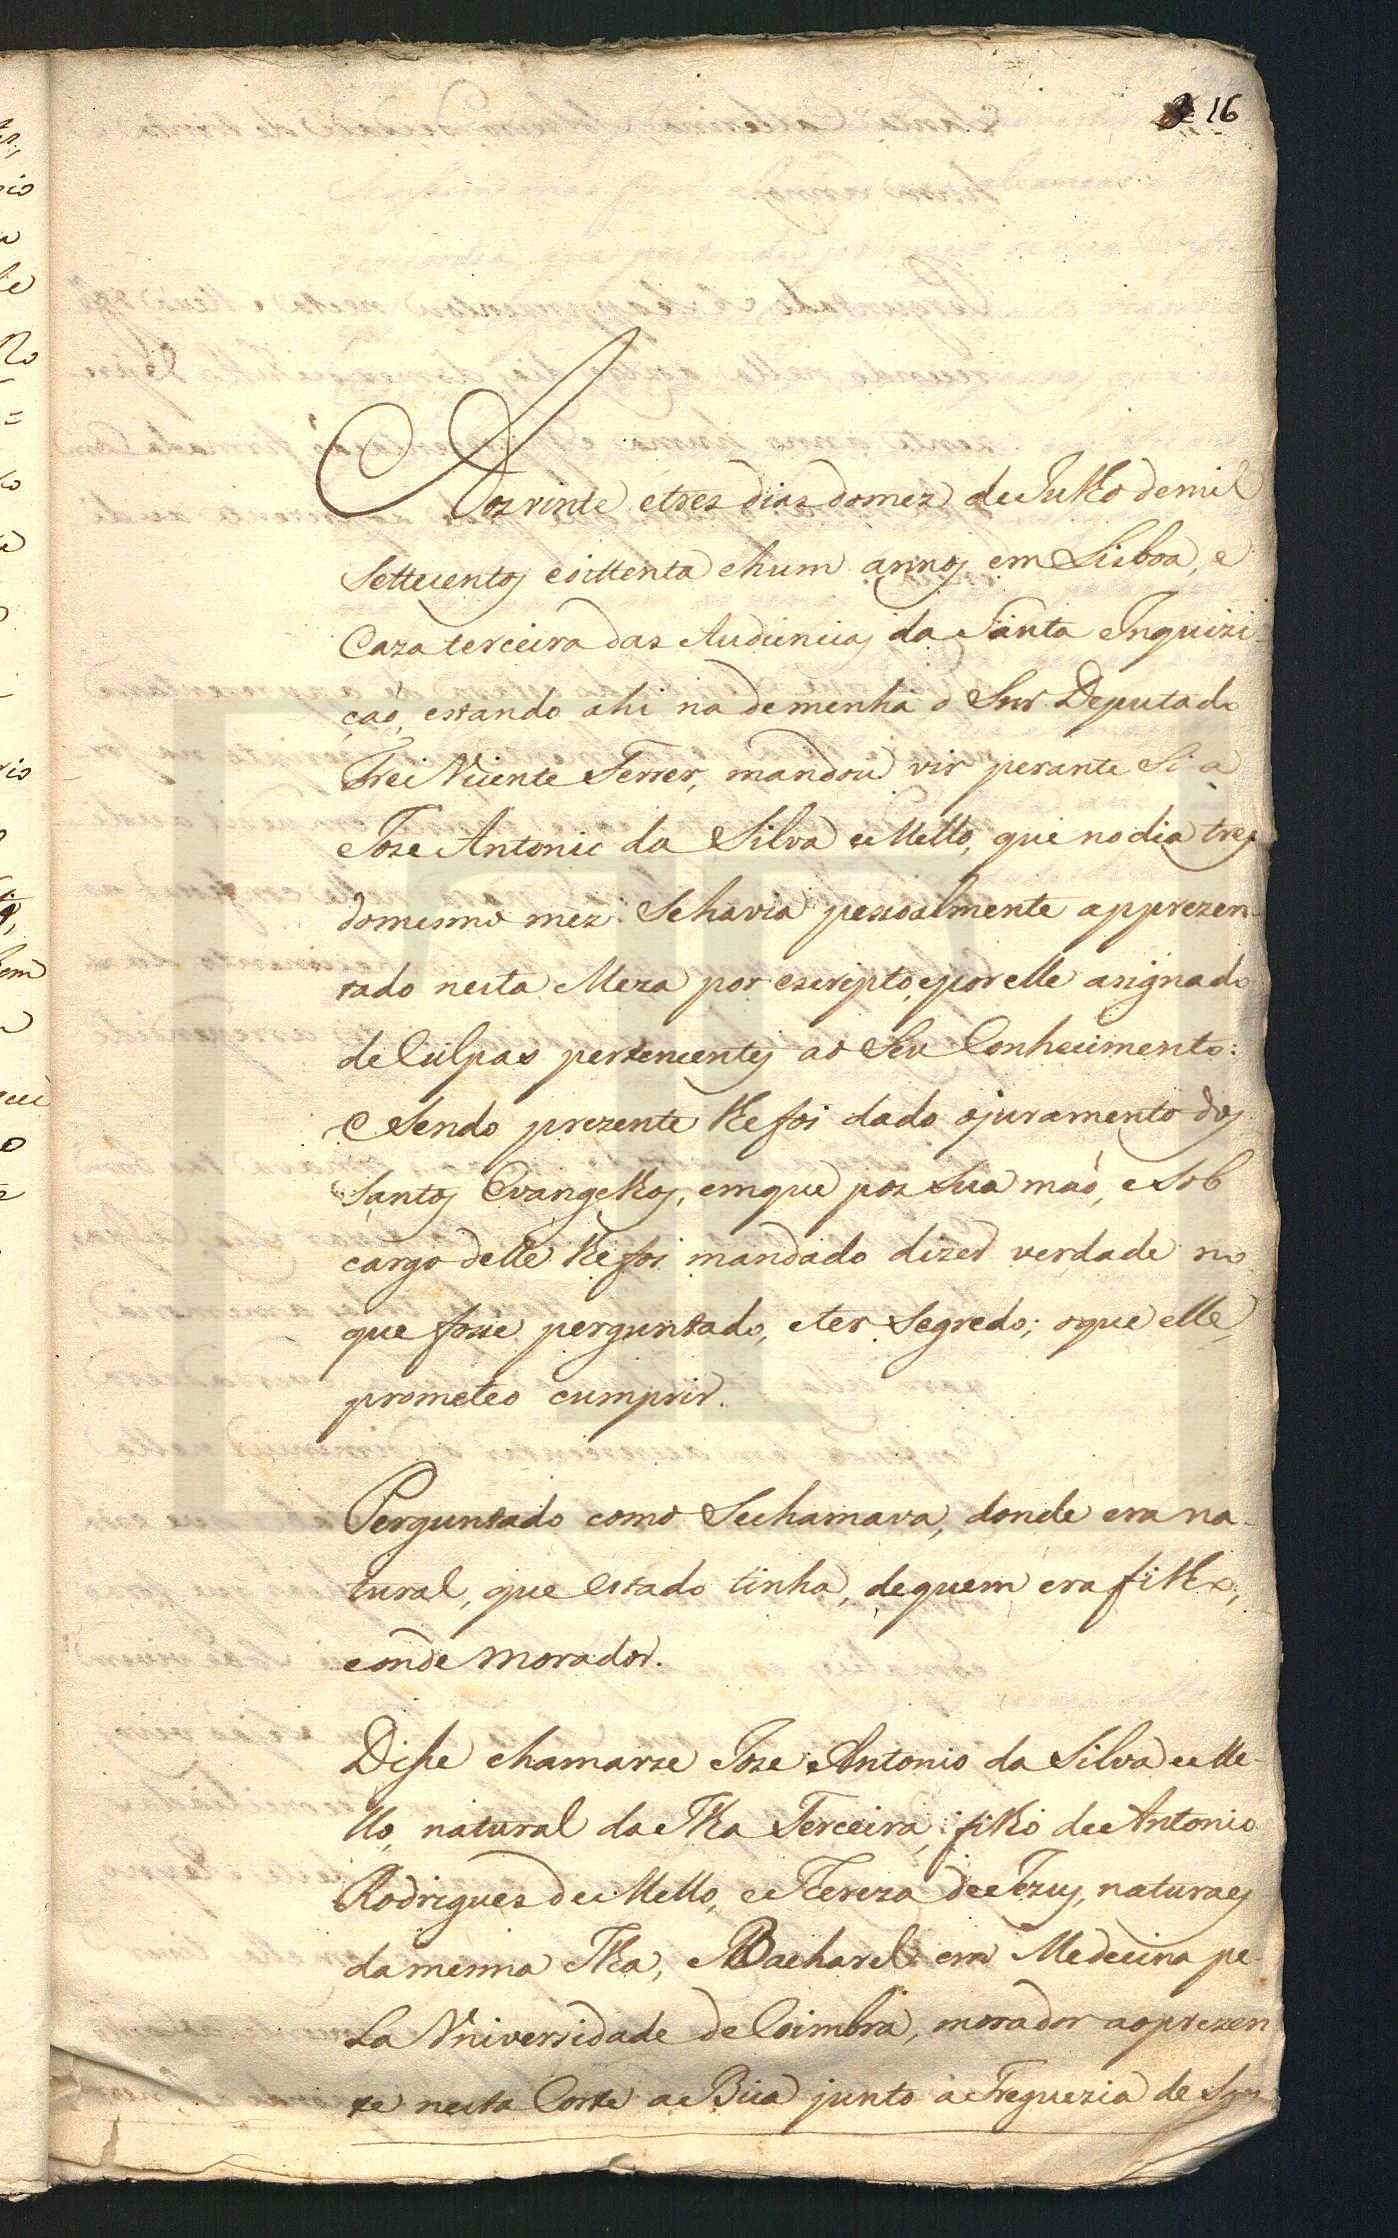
3 16
Aos vinte e tres dias do mes de Iulho de mil
Settecentos e oittenta e hum annos em Lisboa, e
Caza terceira das Audiencias da Santa Inquizi
çaõ, estando ahi na de menhã o Snr Deputado
Frei Vicente Ferrer, mandou vir perante Si a
Ioze Antonio da Silva e Mello, que no dia tres
do mesmo mez Se havia pessoalmente apprezen
tado nesta Meza por escripto, e por elle asignado
de Culpas pertencentes ao Seu Conhecimento
e Sendo prezente lhe foi dado o juramento dos
Santos Evangelhos, em que poz Sua maõ, e Sob
cargo delle lhe foi mandado dizer verdade no
que fosse perguntado, e ter Segredo; o que elle
prometeo cumprir.
Perguntado como Se chamava, donde era na
tural, que estado tinha, de quem era filho,
e onde morador.
Disse chamarse Ioze Antonio da Silva e Me
llo, natural da Ilha Terceira; filho de Antonio
Rodrigues de Mello, e Thereza de Iezus, naturaes
da mesma Ilha, Bacharel em Medecina pe
La Vniversidade de Coimbra, morador ao prezen
te nesta Corte a Bica junto a Freguezia de San
